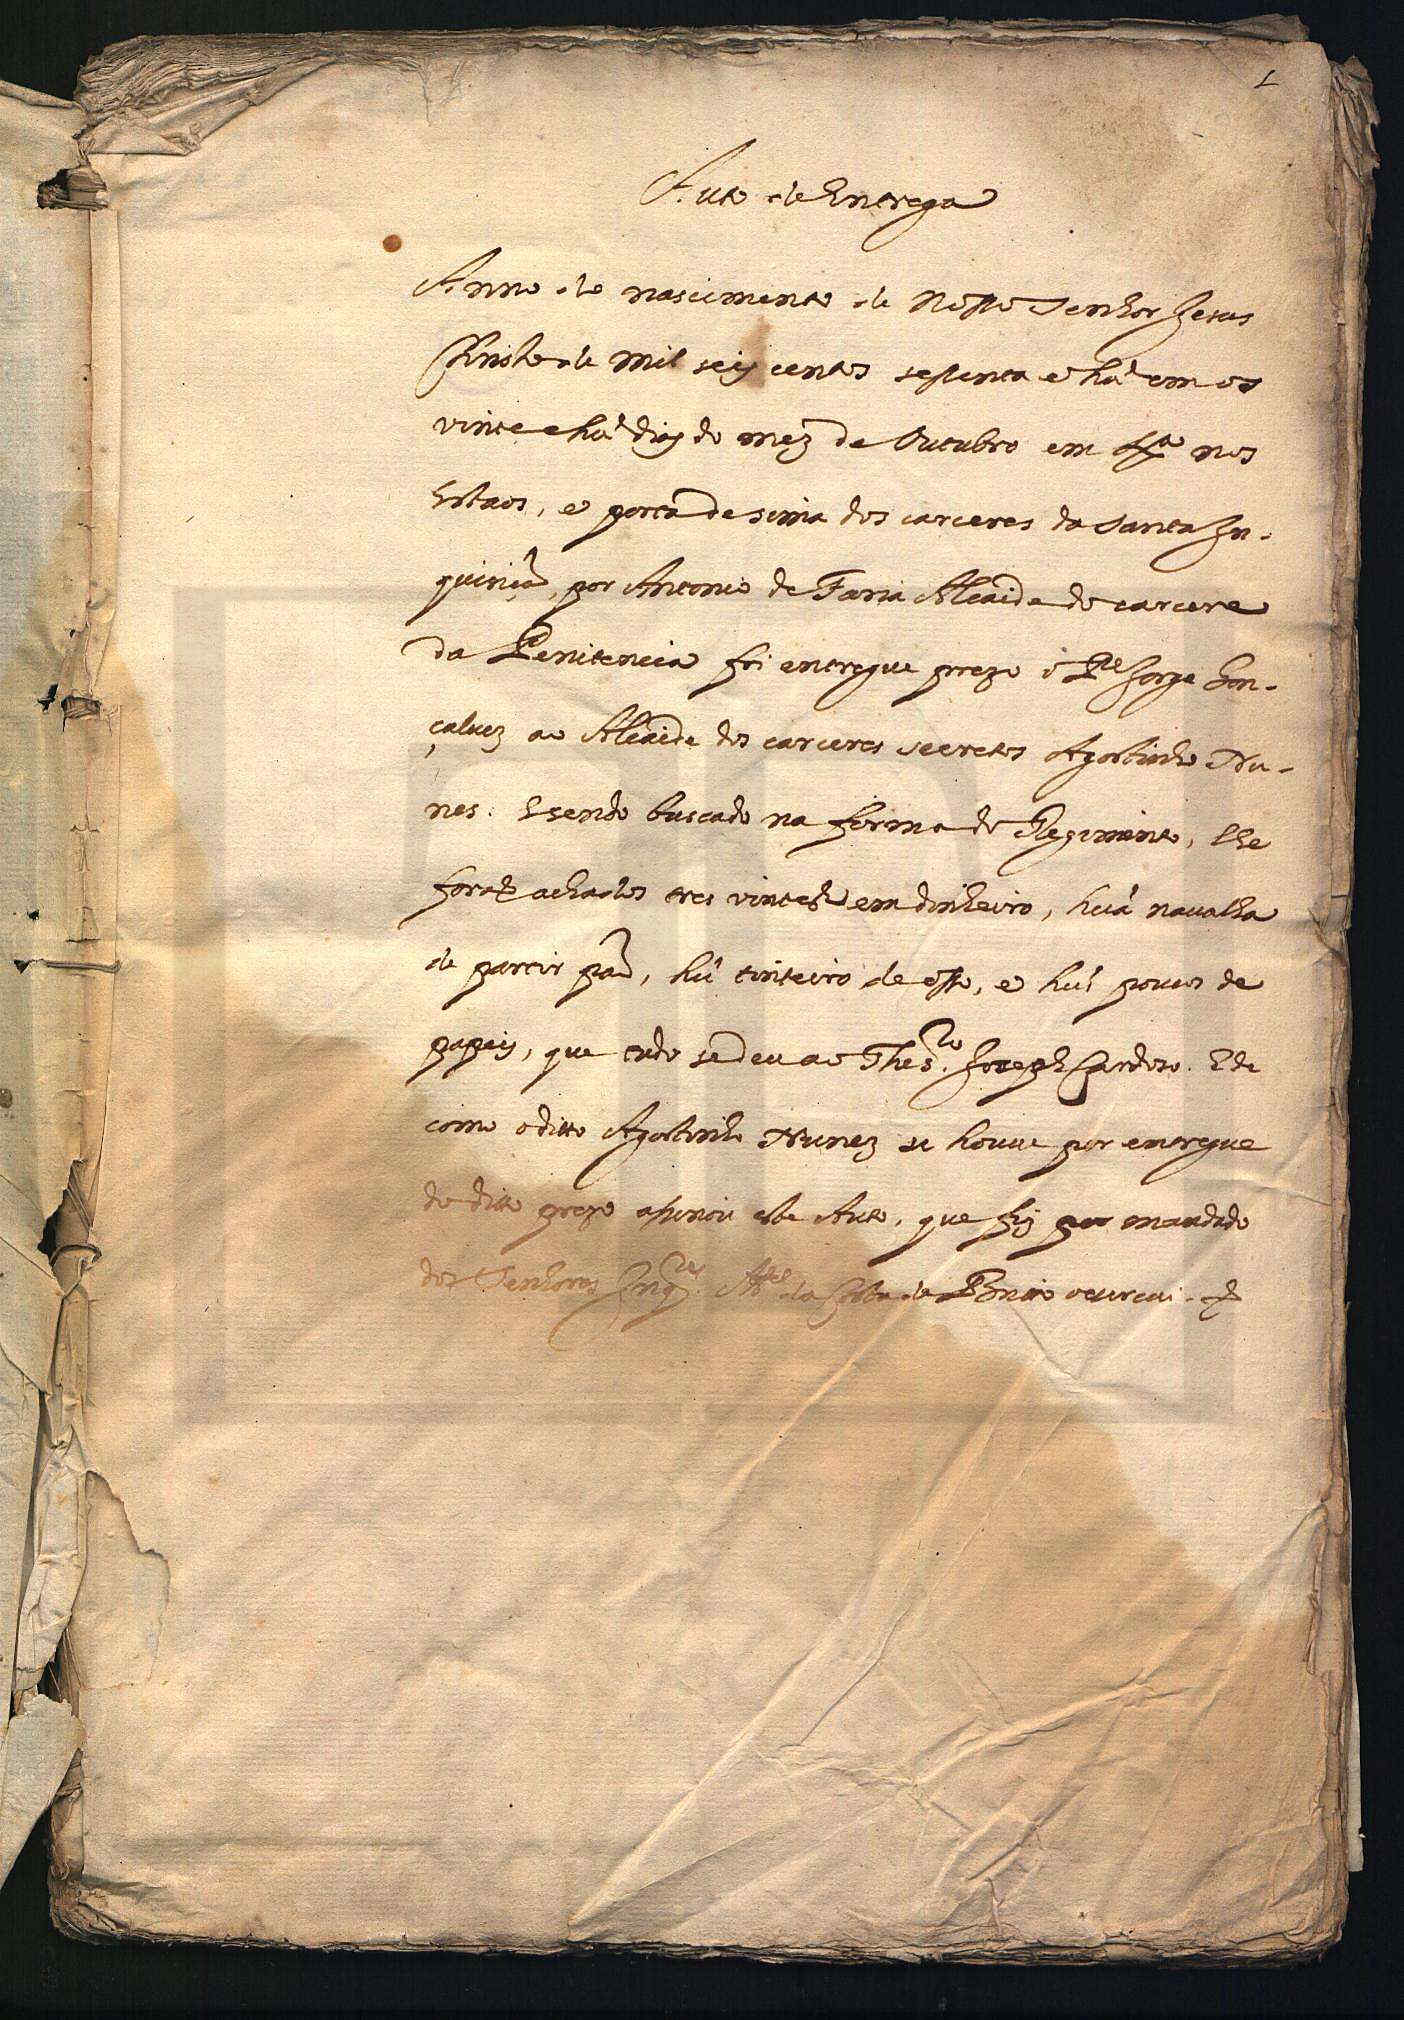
Auto de Entrega
Anno do nascimento de nosso Senhor Jesus
Christo de mil seiscentos sessenta e hū em os
vinte e hū dias do mez de Outubro em Lxa nos
Estaos, e porta de sima dos carceres da Santa Jn
quisiçaõ, por Antonio de Faria Alcaide do carcere
da Penitencia foi entregue prezo o Pe Jorge Gon
çaluez ao Alcaide dos carceres secretos Agostinho Nu
nes. E sendo buscado na forma do Regimento, lhe
foraõ achados tres vintes̄ em dinheiro, huā naualha
de partir paõ, hū tinteiro de osso, e hus̄ poucos de
papeis, que tudo se deu ao Thes.ro Jozeph Cardoso. E de
como o ditto Agostinho Nunez se houue por entregue
do ditto prezo assinou este Auto, que fiz por mandado
dos Senhores Jnq.res M.el da Costa de Britto o escreui
